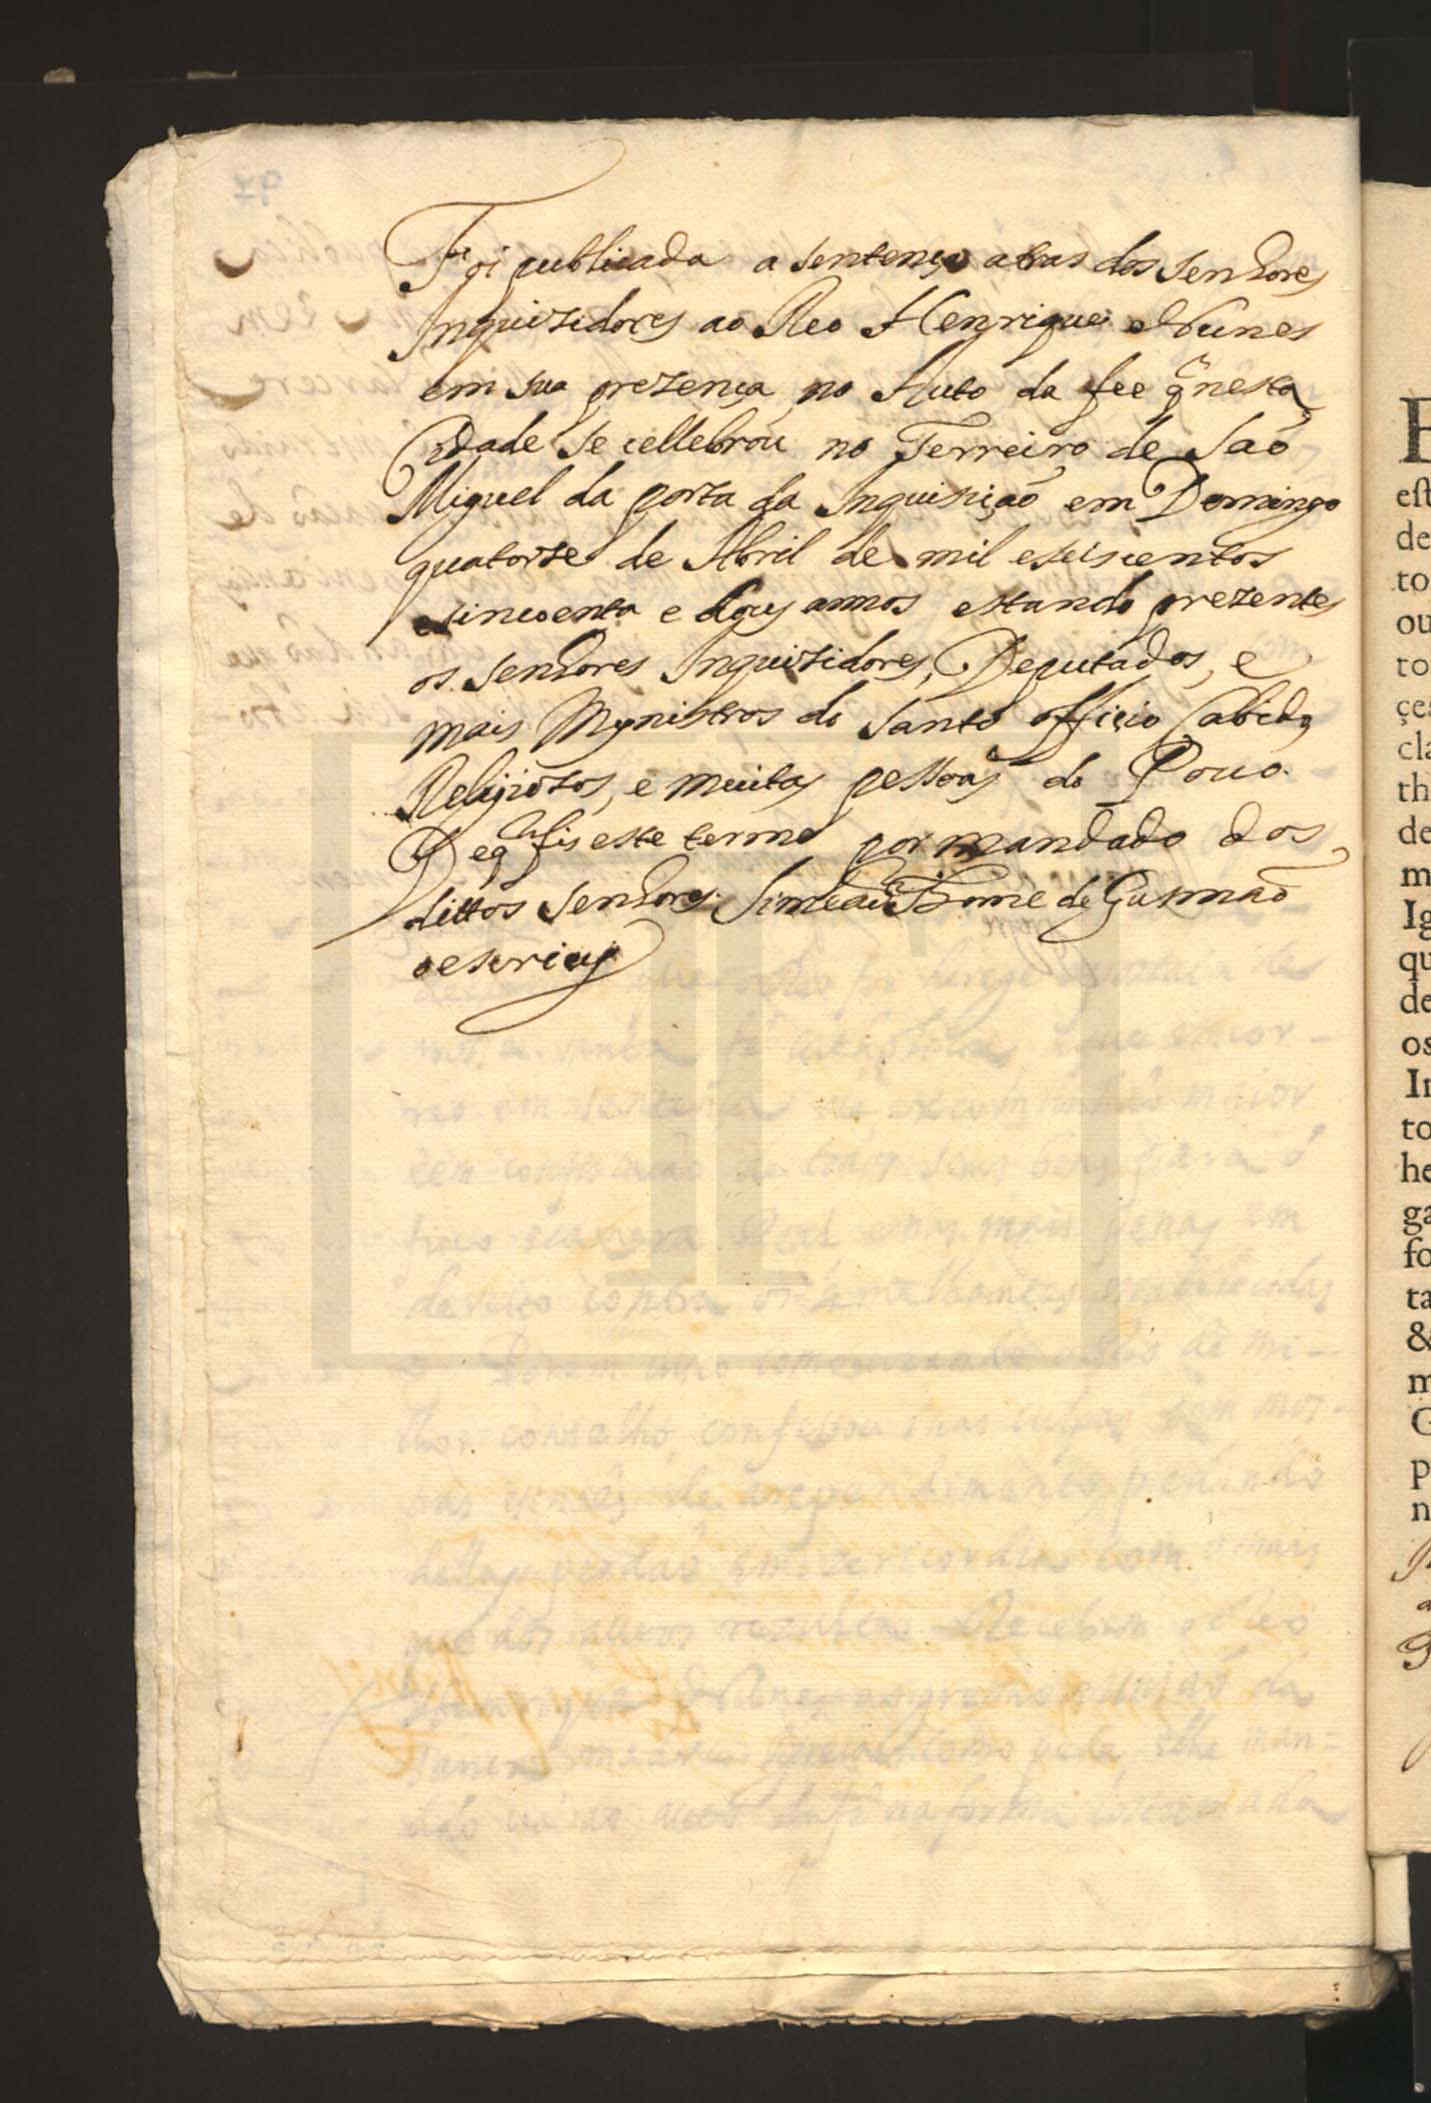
Foi publicada a sentença atras dos senhores
Inquizidores ao Reo Henrique Nunes
em sua prezença no Auto da fee q̄ nesta
Cidade se cellebrou no Terreiro de Saõ
Miguel da porta da Inquisiçaõ em Domingo
quatorze de Abril de mil e seiscentos
e sinquoenta e dous annos estando prezentes
os senhores Inquisidores, Deputados, e
mais Mynistros do Santo officio Cabido,
Religiozos, e muitas pessoas do Pouo.
De q̄ fis este termo por mandado dos
dittos senhores Simeão Thome de Gusmão
o escriuj
